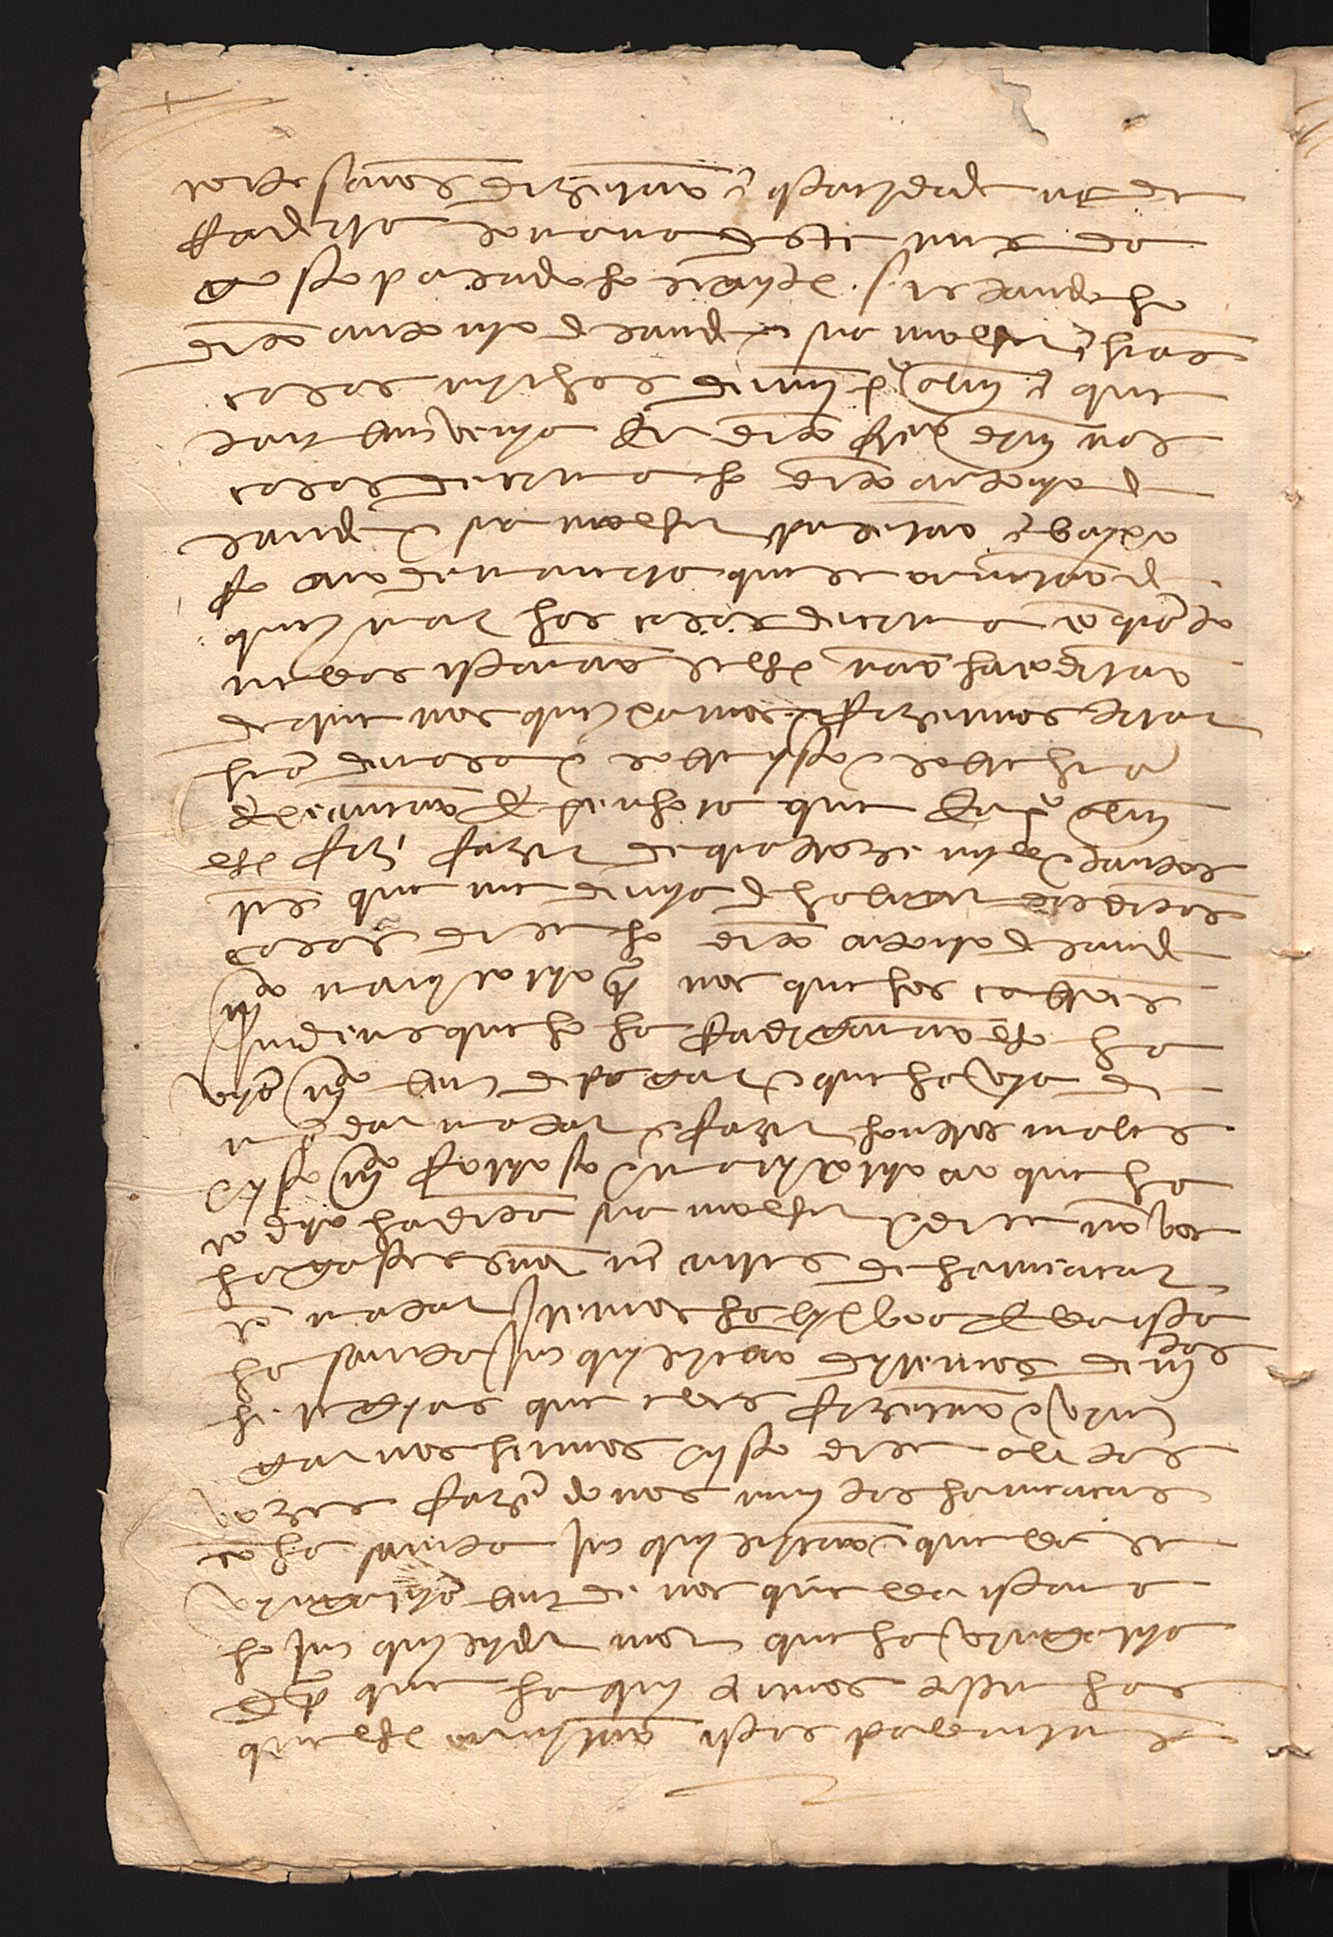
cortesãoos dizerão ē esta cjdade na de
Radeira somana deste mes da
gosto pasado ho segujte .s. estando ho
dito antonjo de sante e sua molher ē hūas
casas mjnhas de m̄j po āluz ē que
tenbem veuya Eu dito frco diaz nas
casas de cima ho dito antonjo de
sande e sua molher puserão ē bajxo
foguo de maneira que se ouuerão de
queymar has casas de cima c̄o quāto
nellas estauão se lhe não hacodirão
de que nos queyxamos e fizemos tirar
huā deuasa e sobre ysto e sobre huā
Execução E penhora que Eu po āluz
lhe fiz fazer de quatroze mjll e tantos
r̄rs que me deuya de haluger das ditas
casas dise ho dito antonjo de sande
mto marycoryo p̄o nos que hos cabrões
Judeus que ho hafadjgauão lho ha
vyā mto bem de pagar e que havja de
mādar matar e fazer houtros males
e ysto mto foryoso e marycoryo ao que ha
codyo ha dita sua molher e dise n̄o vos
hagastes sn̄or nē cuires de hameacar
c̄o matar Jremos ha lyxboa E lla esta
ha samta Jmquysycão dyremos de mtas
heregyas que elles fjzerão e vjm
gar nos hemos e ysto dise alltas
vozes fazēdo nos mujtas hameaças
c̄o ha samta Jmquysyção e que lla se
vyngaryā bem de nos que lla estaua
ho Jmqujsydor mor que ha vjngarya
E p̄o que haquj temos testemhas
que lhe ouujrão estas pallauras
